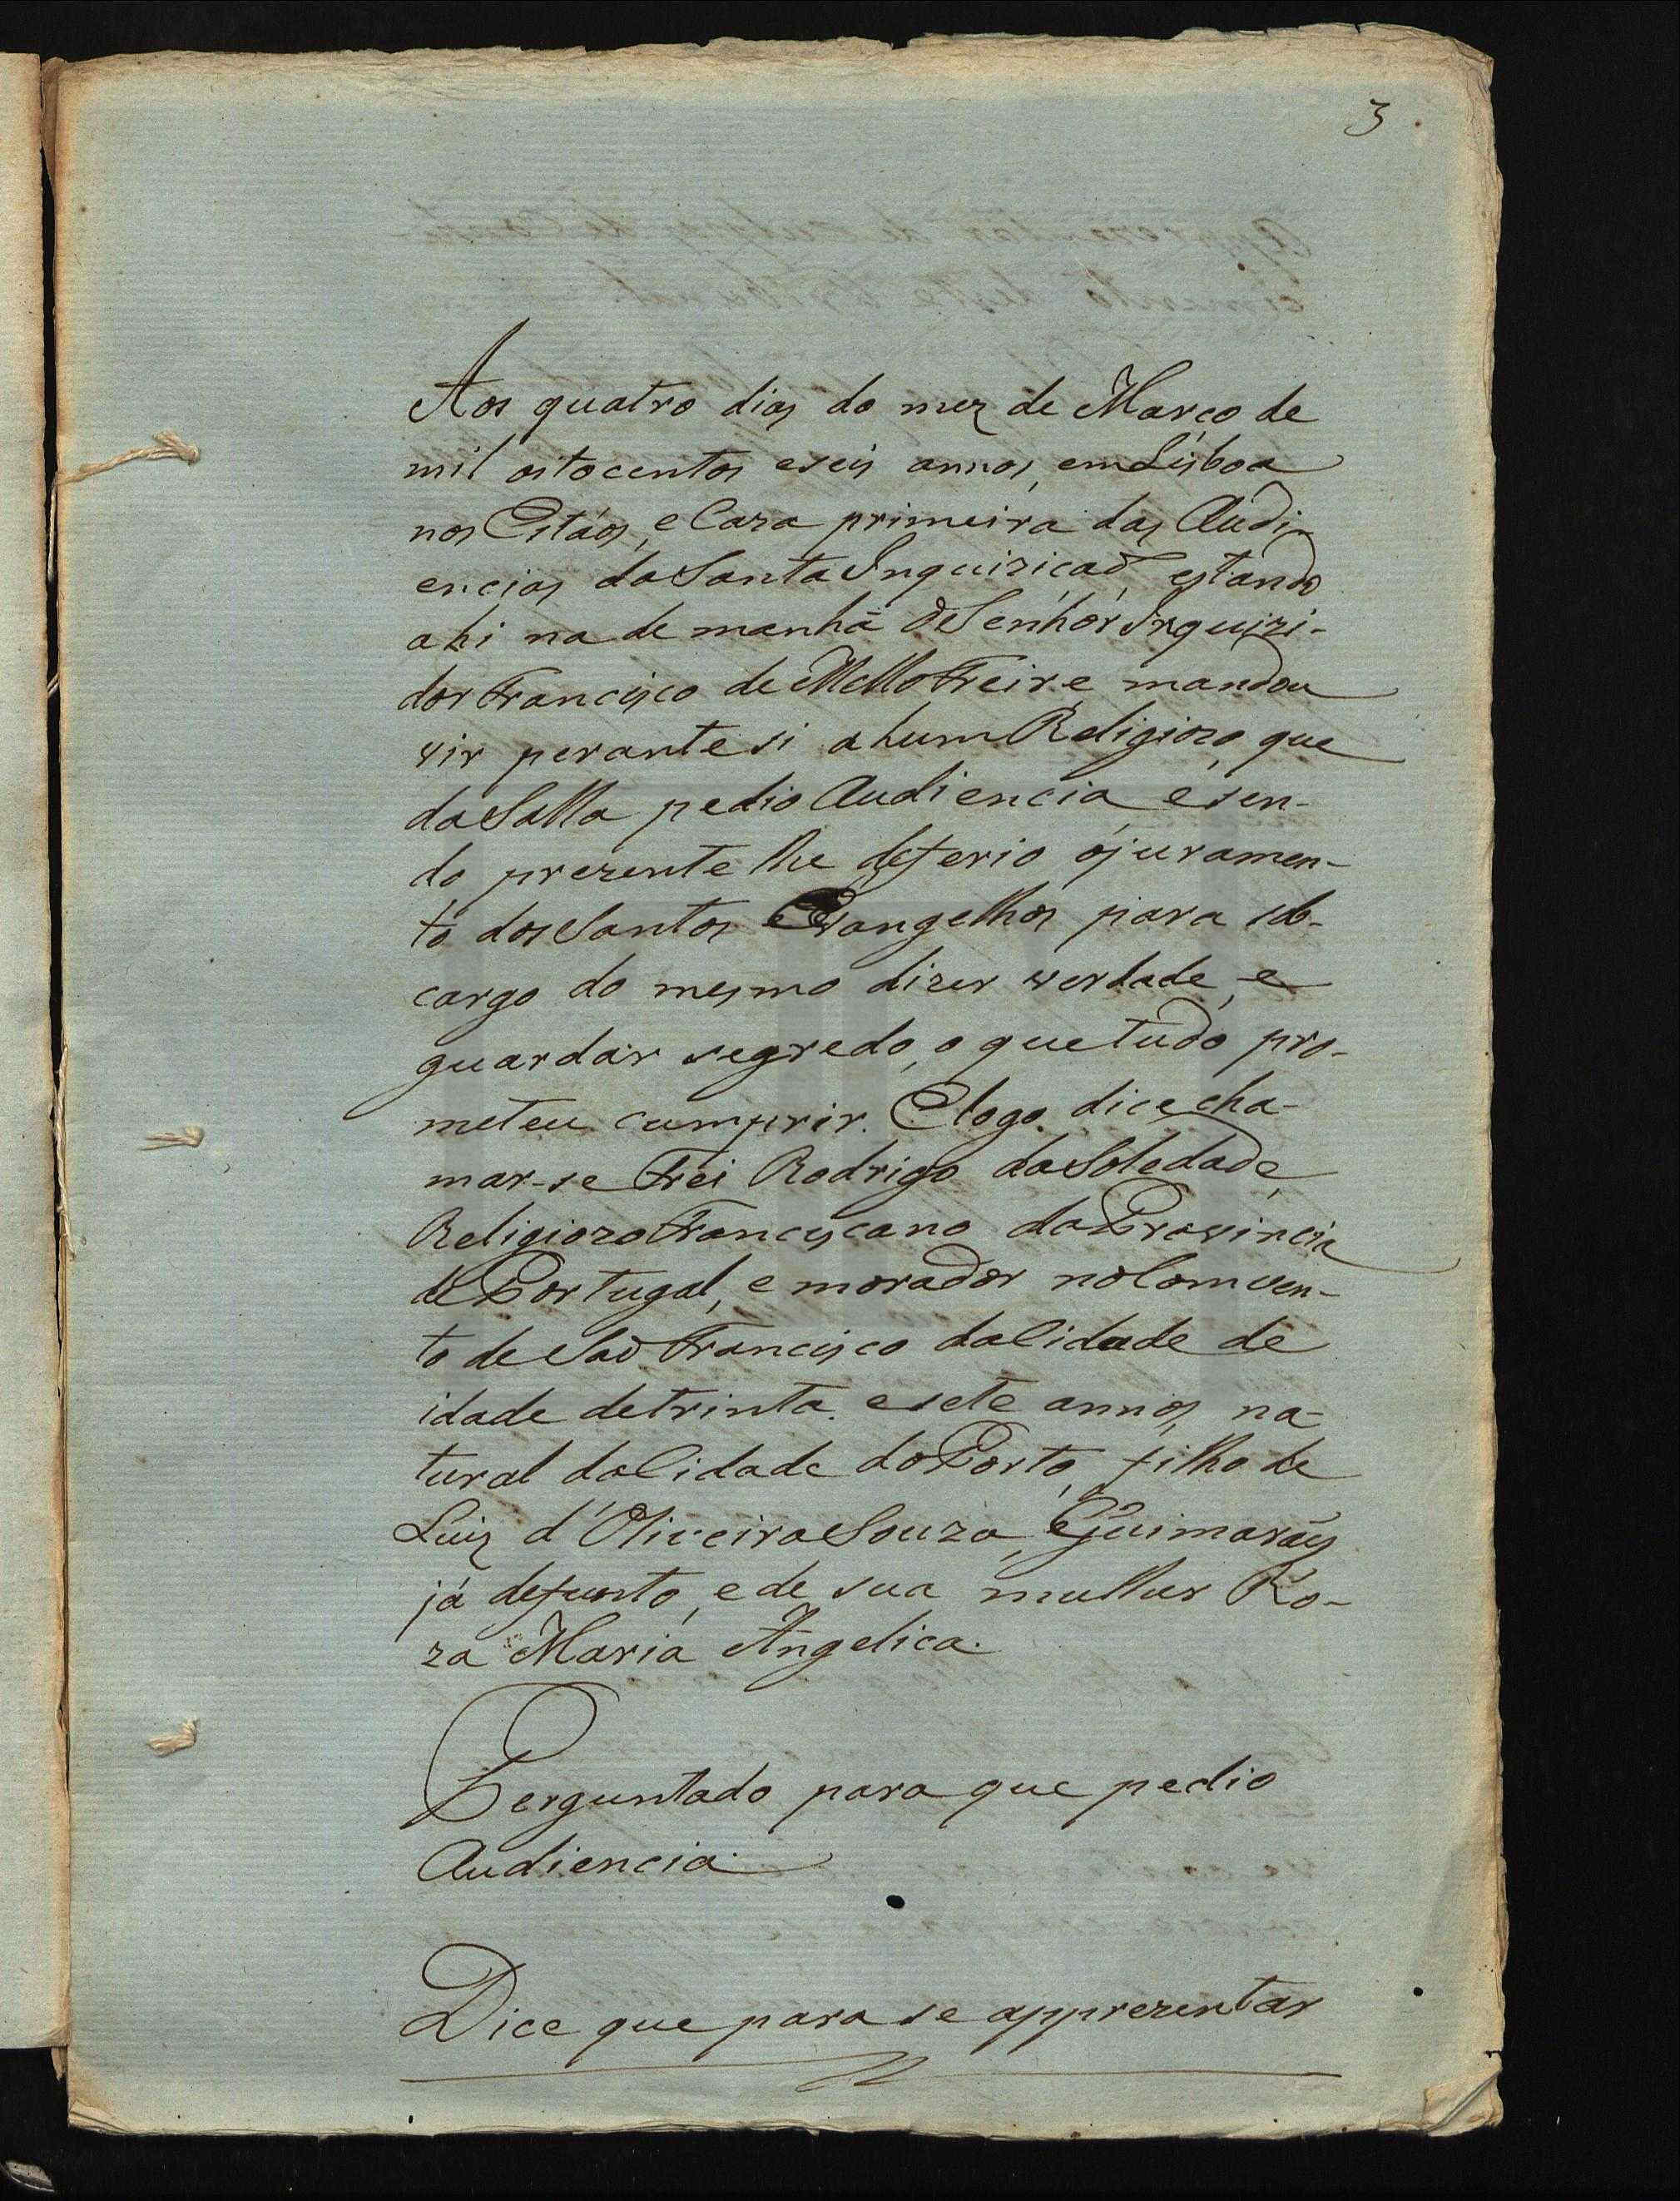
Aos quatro dias do mez de Março de
mil oitocentos e seis annos em Lisboa
nos Estáos, e Caza primeira das audi
encias da Santa Inquiziçaõ, estando
ahi na de manhã o Senhor Inquizi
dor Francisco de Mello Freire mandou
vir perante si a hum Religiozo, que
da Salla pedio audiencia e sen
do prezente lhe deferio o juramen
to dos Santos Evangelhos para sob
cargo do mesmo dizer verdade e
guardar segredo, o que tudo pro
meteu cumprir. E logo dice cha
mar-se Frei Rodrigo da Soledade
Religiozo Franciscano da Provincia
de Portugal, e morador no Conven
to de Saõ Francisco da Cidade de
idade de trinta e sete annos, na
tural da Cidade do Porto, filho de
Luis d'Oliveira Souza, Guimaraẽs
já defunto, e de sua mulher Ro
za Maria Angelica.
Perguntado para que pedio
Audiencia.
Dice que para se apprezentar
